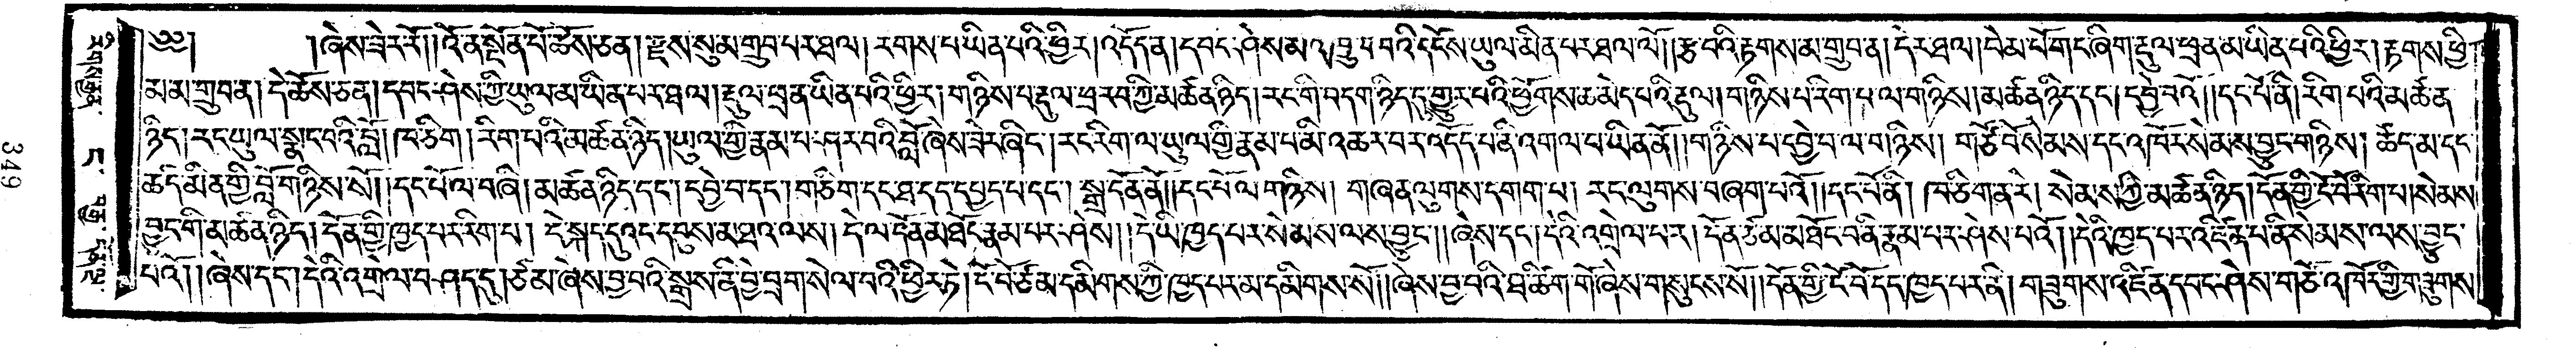༄༅། །ཞེས་ཟེར་རོ། །འོ་ན་སྔོན་པོ་ཆོས་ཅན། རྫས་སུ་མ་གྲུབ་པར་ཐལ། རགས་པ་ཡིན་པའི་ཕྱིར། འདོད་ན། དབང་ཤེས་མ་འཁྲུལ་བའི་དངོས་ཡུལ་མིན་པར་ཐལ་ལོ། །རྩ་བའི་རྟགས་མ་གྲུབ་ན། དེར་ཐལ། བེམ་པོ་གང་ཞིག་རྡུལ་ཕྲན་མ་ཡིན་པའི་ཕྱིར། རྟགས་ཕྱི་
མ་མ་གྲུབ་ན། དེ་ཆོས་ཅན། དབང་ཤེས་ཀྱི་ཡུལ་མ་ཡིན་པར་ཐལ། རྡུལ་ཕྲན་ཡིན་པའི་ཕྱིར། གཉིས་པ་རྡུལ་ཕྲ་རབ་ཀྱི་མཚན་ཉིད། རང་གི་བདག་ཉིད་དུ་གྱུར་པའི་ཕྱོགས་ཆ་མེད་པའི་རྡུལ། གཉིས་པ་རིག་པ་ལ་གཉིས། མཚན་ཉིད་དང་། དབྱེ་བའོ། །དང་པོ་ནི། རིག་པའི་མཚན་
ཉིད། རང་ཡུལ་སྣང་བའི་བློ། ཁ་ཅིག །རིག་པའི་མཚན་ཉིད། ཡུལ་གྱི་རྣམ་པ་ཤར་བའི་བློ་ཞེས་ཟེར་ཞིང་། རང་རིག་ལ་ཡུལ་གྱི་རྣམ་པ་མི་འཆར་བར་འདོད་པ་ནི་འགལ་བ་ཡིན་ནོ། །གཉིས་པ་དབྱེ་བ་ལ་གཉིས། གཙོ་བོ་སེམས་དང་འཁོར་སེམས་བྱུང་གཉིས། ཚད་མ་དང་
ཚད་མིན་གྱི་བློ་གཉིས་སོ། །དང་པོ་ལ་བཞི། མཚན་ཉིད་དང་། དབྱེ་བ་དང་། གཅིག་དང་ཐ་དད་དཔྱད་པ་དང་། སྒྲ་དོན་ནོ། །དང་པོ་ལ་གཉིས། གཞན་ལུགས་དགག་པ། རང་ལུགས་བཞག་པའོ། །དང་པོ་ནི། ཁ་ཅིག་ན་རེ། སེམས་ཀྱི་མཚན་ཉིད། དོན་གྱི་ངོ་བོ་རིག་པ། སེམས་
བྱུང་གི་མཚན་ཉིད། དོན་གྱི་ཁྱད་པར་རིག་པ། དེ་སྐད་དུའང་དབུས་མཐའ་ལས། དེ་ལ་དོན་མཐོང་རྣམ་པར་ཤེས། །དེ་ཡི་ཁྱད་པར་སེམས་ལས་བྱུང་། །ཞེས་དང་། དེའི་འགྲེལ་པར། དོན་ཙམ་མཐོང་བ་ནི་རྣམ་པར་ཤེས་པའོ། །དེའི་ཁྱད་པར་འཛིན་པ་ནི་སེམས་ལས་བྱུང་
བའོ། །ཞེས་དང་། དེའི་འགྲེལ་བཤད་དུ། ཙམ་ཞེས་བྱ་བའི་སྒྲས་ནི་བྱེ་བྲག་སེལ་བའི་ཕྱིར་ཏེ། ངོ་བོ་ཙམ་དམིགས་ཀྱི་ཁྱད་པར་མ་དམིགས་སོ། །ཞེས་བྱ་བའི་ཐ་ཚིག་གོ་ཞེས་གསུངས་སོ། །དོན་གྱི་ངོ་བོ་དང་ཁྱད་པར་ནི། གཟུགས་འཛིན་དབང་ཤེས་གཙོ་འཁོར་གྱི་གཟུགས་